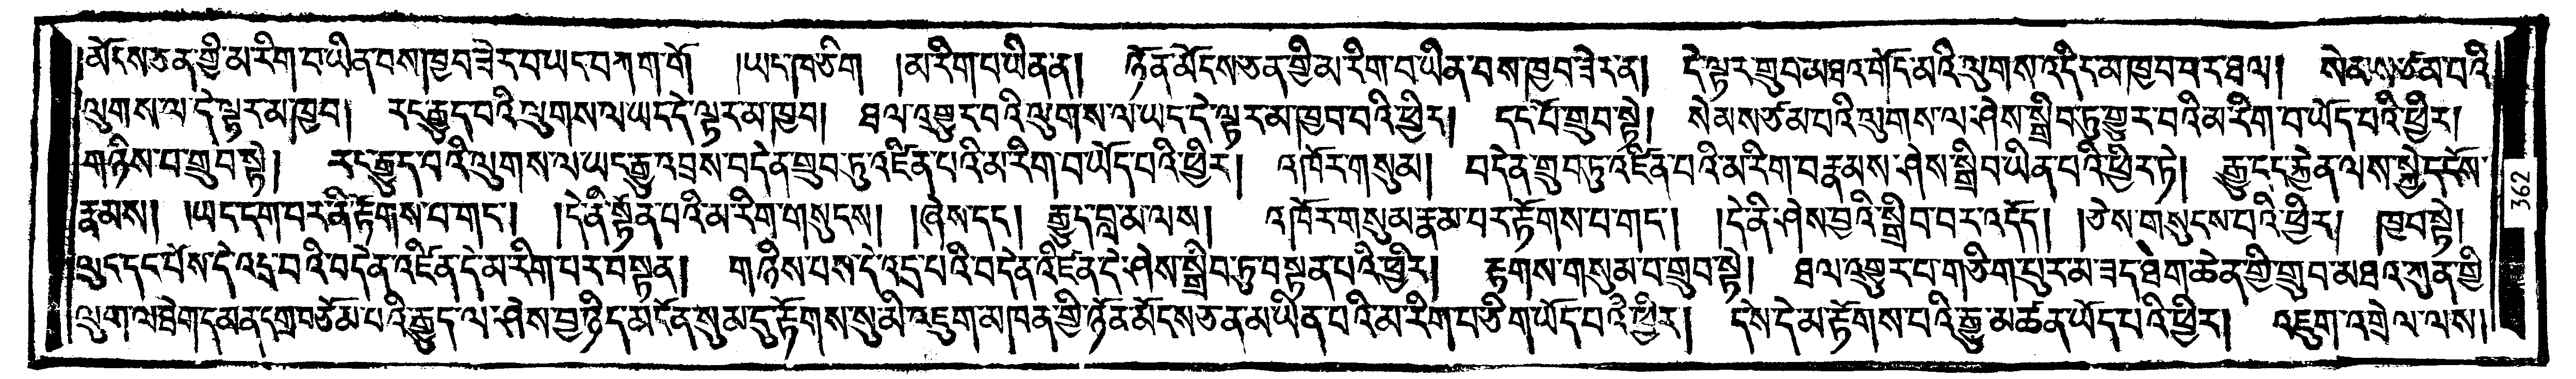མོངས་ཅན་གྱི་མ་རིག་པ་ཡིན་པས་ཁྱབ་ཟེར་བ་ཡང་བཀག་གོ །ཡང་ཁ་ཅིག །མ་རིག་པ་ཡིན་ན། ཉོན་མོངས་ཅན་གྱི་མ་རིག་པ་ཡིན་པས་ཁྱབ་ཟེར་ན། དེ་ལྟར་གྲུབ་མཐའ་གོང་མའི་ལུགས་འདིར་མ་ཁྱབ་པར་ཐལ། སེམས་ཙམ་པའི་
ལུགས་ལ་དེ་ལྟར་མ་ཁྱབ། རང་རྒྱུད་པའི་ལུགས་ལ་ཡང་དེ་ལྟར་མ་ཁྱབ། ཐལ་འགྱུར་བའི་ལུགས་ལ་ཡང་དེ་ལྟར་མ་ཁྱབ་པའི་ཕྱིར། དང་པོ་གྲུབ་སྟེ། སེམས་ཙམ་པའི་ལུགས་ལ་ཤེས་སྒྲིབ་ཏུ་གྱུར་བའི་མ་རིག་པ་ཡོད་པའི་ཕྱིར།
གཉིས་པ་གྲུབ་སྟེ། རང་རྒྱུད་པའི་ལུགས་ལ་ཡང་རྒྱུ་འབྲས་བདེན་གྲུབ་ཏུ་འཛིན་པའི་མ་རིག་པ་ཡོད་པའི་ཕྱིར། འཁོར་གསུམ། བདེན་གྲུབ་ཏུ་འཛིན་པའི་མ་རིག་པ་རྣམས་ཤེས་སྒྲིབ་ཡིན་པའི་ཕྱིར་ཏེ། རྒྱུ་དང་རྐྱེན་ལས་སྐྱེ་དངོས་
རྣམས། །ཡང་དག་པར་ནི་རྟོགས་པ་གང་། །དེ་ནི་སྟོན་པའི་མ་རིག་གསུངས། །ཞེས་དང་། རྒྱུད་བླ་མ་ལས། འཁོར་གསུམ་རྣམ་པར་རྟོགས་པ་གང་། །དེ་ནི་ཤེས་བྱའི་སྒྲིབ་བར་འདོད། །ཅེས་གསུངས་པའི་ཕྱིར། ཁྱབ་སྟེ།
ལུང་དང་པོས་དེ་འདྲ་བའི་བདེན་འཛིན་དེ་མ་རིག་པར་བསྟན། གཉིས་པས་དེ་འདྲ་པའི་བདེན་འཛིན་དེ་ཤེས་སྒྲིབ་ཏུ་བསྟན་པའི་ཕྱིར། རྟགས་གསུམ་པ་གྲུབ་སྟེ། ཐལ་འགྱུར་པ་གཅིག་པུར་མ་ཟད་ཐེག་ཆེན་གྱི་གྲུབ་མཐའ་ཀུན་གྱི་
ལུག་ལ་ཐེག་དམན་དགྲ་བཅོམ་པའི་རྒྱུད་ལ་ཤེས་བྱ་ཉིད་མངོན་སུམ་དུ་རྟོགས་སུ་མི་འཇུག་མཁན་གྱི་ཉོན་མོངས་ཅན་མ་ཡིན་པའི་མ་རིག་པ་ཅིག་ཡོད་པའི་ཕྱིར། དེས་དེ་མ་རྟོགས་པའི་རྒྱུ་མཚན་ཡོད་པའི་ཕྱིར། འཇུག་འགྲེལ་ལས།